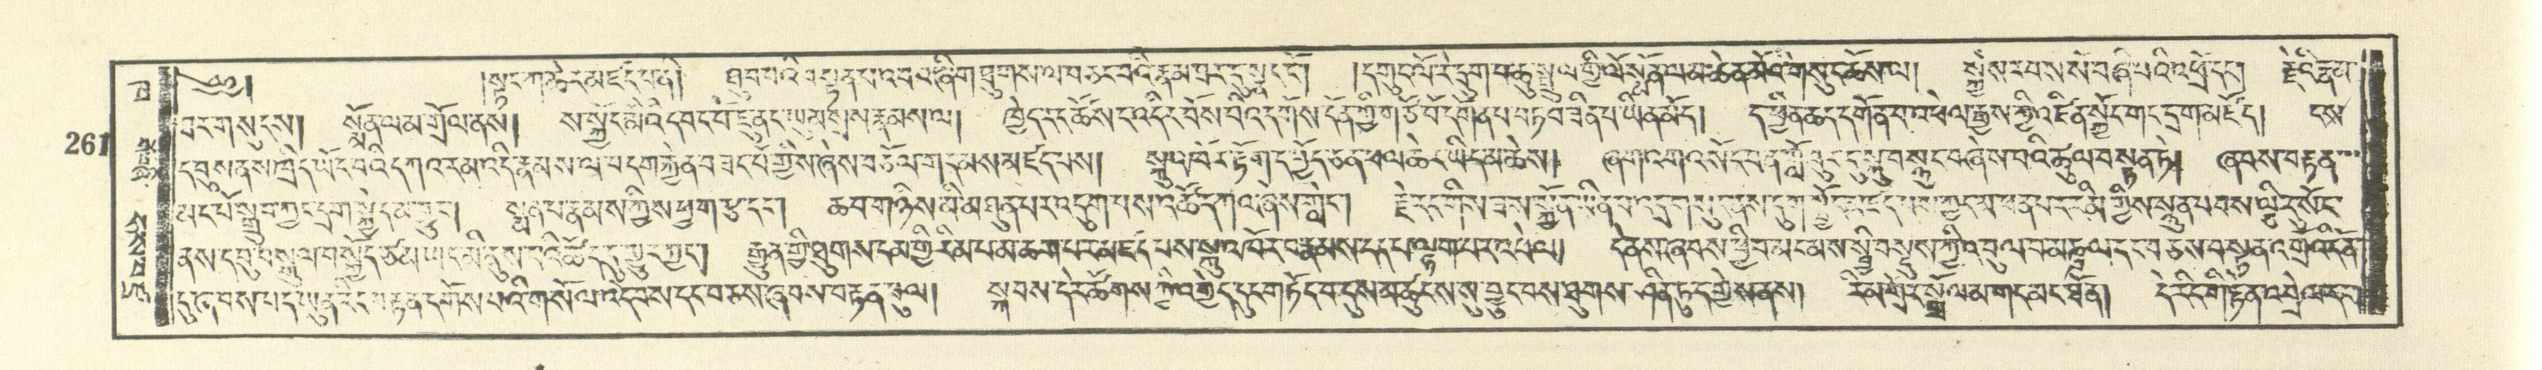༄༅། །སྟང་ཀ་ཆེར་མཛད་པ་ནི། ཐུབ་པའི་བསྟན་པ་འབའ་ཞིག་ཐུགས་ལ་བཅད་བའི་རྣམ་ཐར་དུ་སྣང་ངོ། །དགུང་ལོ་རེ་དྲུག་པ་ཆུ་སྤྲུལ་གྱི་ལོ་སྨོན་ལམ་ཆེན་མོའི་གསུང་ཆོས་ལ། སྐྱེས་རབས་སོ་བཞི་པའི་འཕྲོ་དང་། རྗེའི་རྣམ་
ཐར་གསུངས། སྨོན་ལམ་གྲོལ་ནས། ས་སྐྱོང་མིའི་དབང་པོ་ཇུ་ནས་ཡུམ་སྲས་རྣམས་ལ། ཁྱེད་རང་ཚོས་ང་འདིར་བོས་པའི་དགོས་དོན་གྱི་གཙོ་བོ་དགོན་པ་བཏབ་ཟིན་པ་ཡིན་མོད། ད་ཕྱིན་ཆད་དགོན་པ་འཕེལ་རྒྱས་ཀྱི་འཛིན་སྐྱོང་གང་དྲག་མཛོད། ངས་
དབུས་ནས་ཁྲིད་ཡོང་བའི་དཀའ་རམ་འདི་རྣམས་ལ་བདག་རྐྱེན་བཟང་པོ་གྱིས་ཞེས་བཅོལ་གདམས་མཛད་པས། སྐུ་འཁོར་རྟོག་དཔྱོད་ཅན་ཕལ་ཆེར་ཡི་དམ་ཆེས། ཞག་འགའ་སོང་བ་ན་གློ་བུར་དུ་སྐུ་བསྙུང་བཞེས་པའི་ཚུལ་བསྟན་ཏེ། ཞབས་བརྟན་
མང་པོ་སྒྲུབ་ཀྱང་དྲག་སྐྱེད་མ་བྱུང་། སྨན་པ་རྣམས་ཀྱིས་ཕྱག་རྩ་དང་། ཆབ་གཉིས་མི་མཐུན་པར་འདུག་པས་འཚོ་དཀའ་ཞེས་གླེང་། རྗེ་རང་གིས་ཟས་སྐྱོན་ཡིན་པ་འདྲ་གསུང་ནས་དུག་སྦྱོང་མཛད་པས་ཀྱང་མ་ཕན་པར་རིམ་གྱིས་སྙུན་བབས་ལྕི་རུ་སོང་
ནས་དབུ་བསྒྲུལ་བ་སྐྱོད་ཙམ་ཡང་མི་ནུས་པའི་ཚོད་དུ་གྱུར་ཀྱང་། རྒྱུན་གྱི་ཐུགས་དམ་གྱི་རིམ་པ་མ་ཆག་པར་མཛད་པས་སྐུ་འཁོར་བ་རྣམས་དད་པ་ལྟག་པར་འཕེལ། དེ་ནས་ཞབས་ཕྱི་བ་མང་མས་སྤྱི་བསྡུས་ཀྱི་འབུལ་བ་མཎྜལ་དང་བཅས་བསྟན་འགྲོའི་དོན་
དུ་ཞབས་པད་ཡུན་རིང་བརྟན་དགོས་པའི་གསོལ་འདེབས་དང་བཅས་ཞབས་བརྟན་ཕུལ། སྐབས་དེར་ཚོགས་ཀྱི་འགྱེད་དུང་གཏོང་བ་དུས་མཚུངས་སུ་བྱུང་བས་ཐུགས་ཤིན་ཏུ་དགྱེས་ནས། རིམ་གྲོར་སྒྲོལ་མ་གང་མང་ཐོན། དེ་རིང་གི་རྟེན་འབྲེལ་དང་